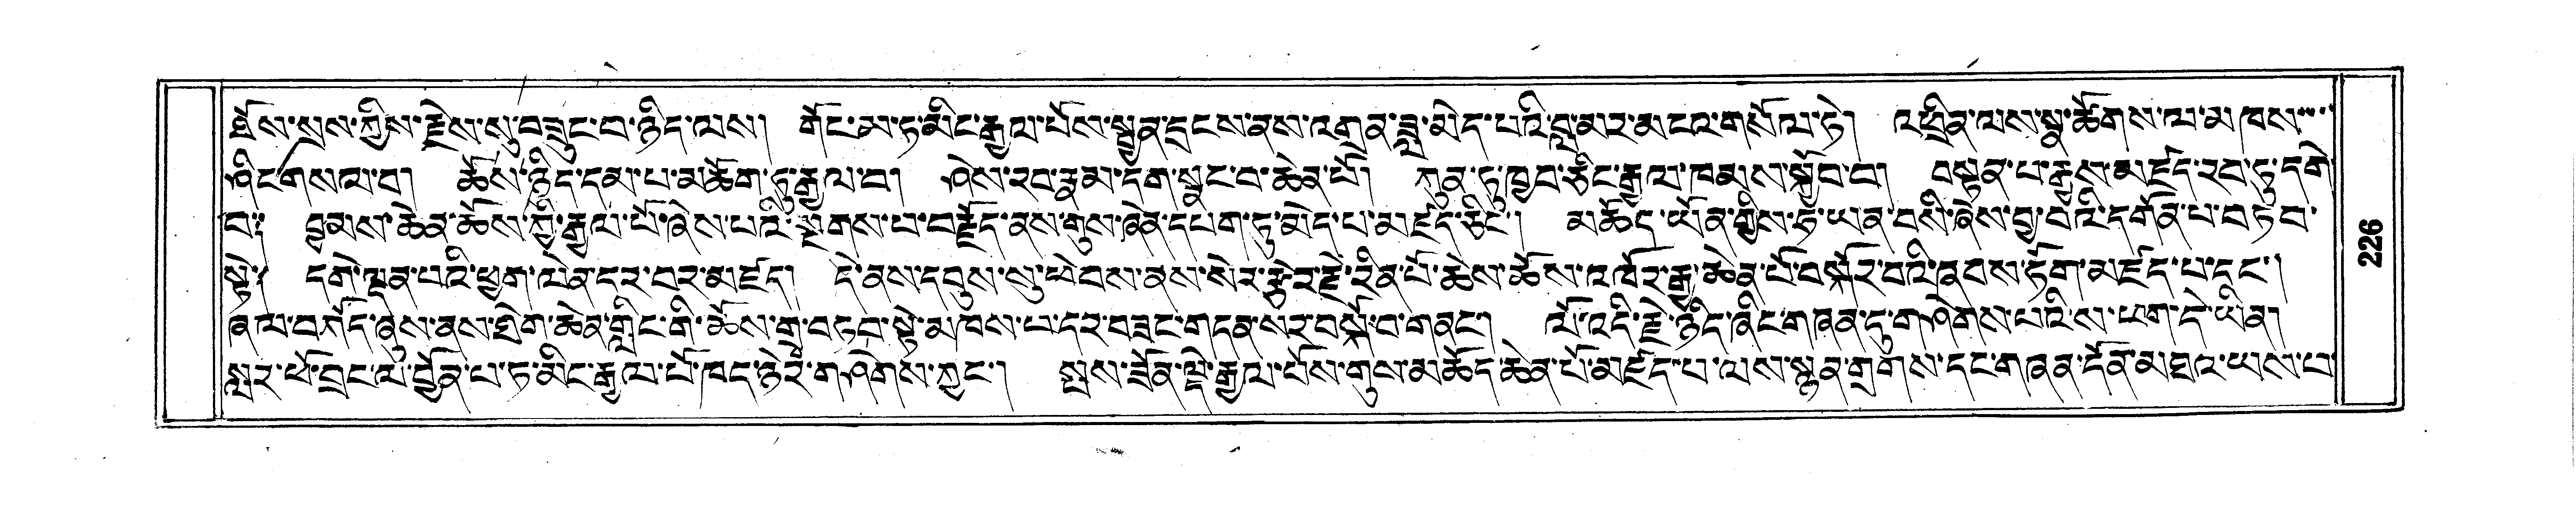ཐོས་སྲས་ཀྱིས་རྗེས་སུ་བཟུང་བ་ཉིད་ལས། གོང་མ་ཏ་མིང་རྒྱལ་པོས་སྦྱན་དྲངས་ནས་འགྲན་ཟླ་མེད་པའི་བླ་མར་མངའ་གསོལ་ཏེ། འཕྲིན་ལས་སྣ་ཚོགས་ལ་མཁས་
ཤིང་གསལ་བ། ཆོས་ཉིད་དམ་པ་མཆོག་ཏུ་རྒྱལ་བ། ཤེས་རབ་རྣམ་དག་སྣང་བ་ཆེན་པོ། ཀུན་ཏུ་ཁྱབ་ཅིང་རྒྱལ་ཁམས་སྐྱོབ་བ། བསྟན་པ་རྒྱས་མཛད་རབ་ཏུ་དགེ་
བ༑ བྱམས་ཆེན་ཆོས་ཀྱི་རྒྱལ་པོ་ཞེས་པའི་སྔགས་པ་བརྗོད་ནས་གུས་ཞེན་དཔག་ཏུ་མེད་པ་མཛད་ཅིང་། མཆོད་ཡོན་གྱིས་ཧ་ཡན་བསི་ཞེས་བྱ་བའི་དགོན་པ་བཏབ་
སྟེ༑ དགེ་ལྡན་པའི་ཕྱག་ལེན་དར་བར་མཛད། དེ་ནས་དབུས་སུ་ཕེབས་ནས་སེར་རྩེར་རྗེ་རིན་པོ་ཆེས་ཆོས་འཁོར་རྒྱ་ཆེན་པོ་བསྐོར་བའི་ཞབས་ཏོག་མཛད་པ་དང་།
ཞལ་བཀོད་ཞུས་ནས་ཐེག་ཆེན་གླིང་གི་ཆོས་གྲྭ་བཏབ་སྟེ་མཁས་པ་དར་བཟང་གདན་སར་བསྐོ་བ་གནང་། ལོ་འདི་རྗེ་ཉིད་ཞིང་གཞན་དུ་གཤེགས་པའི་ས་ཕག་དེ་ཡིན།
སླར་ཕོ་བྲང་ལ་བྱོན་པ་ཏ་མིང་རྒྱལ་པོ་ཁད་ཉེར་གཤེགས་ཀྱང་། སྤས་ཟོན་ལྡེ་རྒྱལ་པོས་གུས་མཆོད་ཆེན་པོ་མཛད་པ་ལས་སྙན་གྲགས་དང་གཞན་དོན་མཐའ་ཡས་པ་